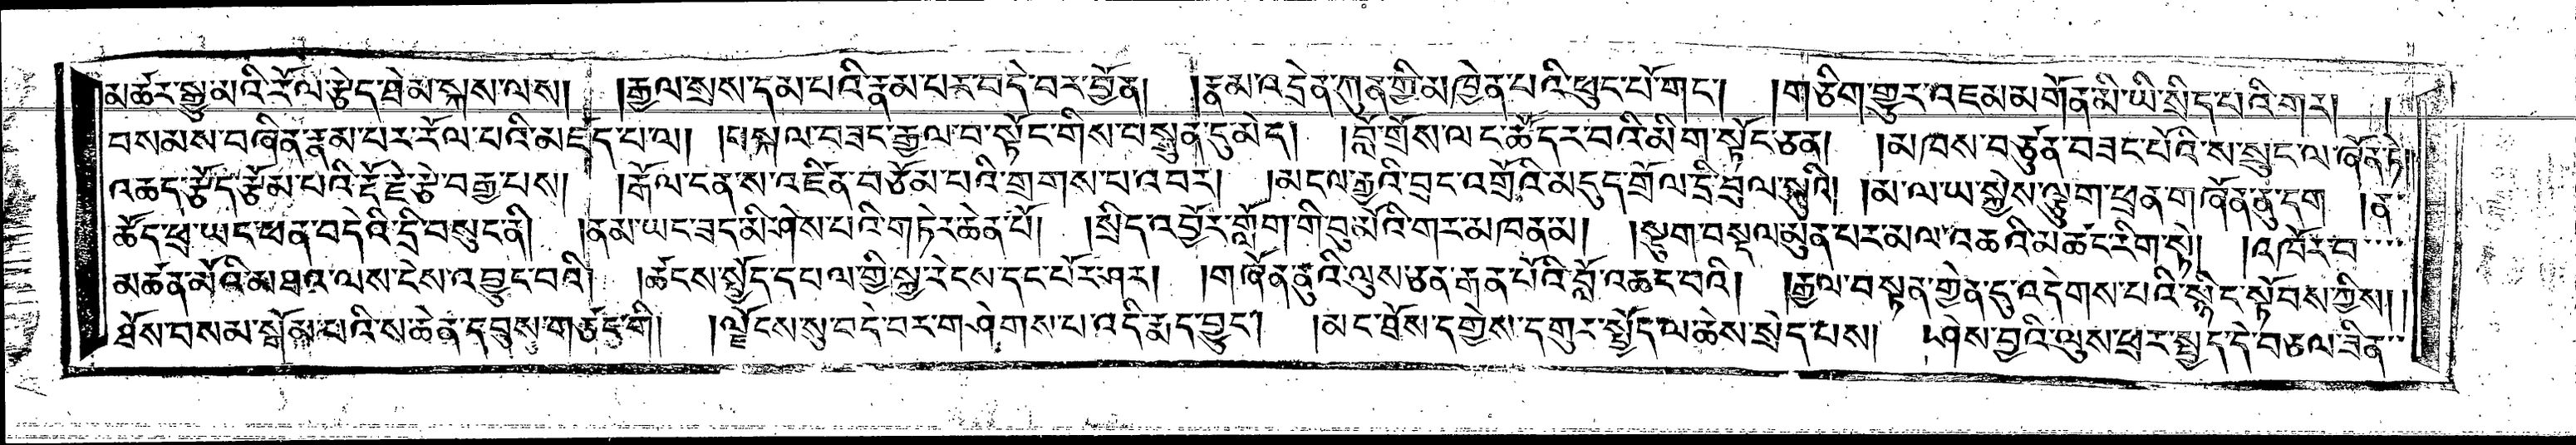མཚར་སྒྱུ་མའི་རོལ་རྩེད་ཐེམ་སྐས་ལས། །རྒྱལ་སྲས་དམ་པའི་རྣམ་པར་བདེ་བར་བྱོན། །རྣམ་འདྲེན་ཀུན་གྱི་མཁྱེན་པའི་ཕུང་པོ་གང་། །གཅིག་གྱུར་འཇམ་མགོན་མི་ཡི་སྲིད་པའི་གར། །
བསམས་བཞིན་རྣམ་པར་རོལ་པའི་མཛད་པ་ལ། །བསྐལ་བཟང་རྒྱལ་བ་སྟོང་གིས་བསྒྲུན་དུ་མེད། །བློ་གྲོས་ལང་ཚོ་དར་བའི་མིག་སྟོང་ཅན། །མཁས་བཙུན་བཟང་པོའི་ས་སྲུང་ལ་ཞོན་ཏེ།
འཆད་རྩོད་རྩོམ་པའི་རྡོ་རྗེ་རྩེ་བརྒྱ་པས། །རྒོལ་ངན་ས་འཛིན་བཅོམ་པའི་གྲགས་པ་འབར། །མངལ་རྒྱའི་བྲང་འགྲོའི་མདུད་གྲོལ་དྲི་བྲལ་སྐུའི། །མ་ལ་ཡ་སྐྱེས་ལྕུག་ཕྲན་གཞོན་ནུ་དག །ན་
ཚོད་ཕྲ་ཡང་ཕན་བདེའི་དྲི་བསུང་ནི། །ནམ་ཡང་ཟད་མི་ཤེས་པའི་གཏེར་ཆེན་པོ། །སྲིད་འབྱོར་གློག་གི་བུ་མོའི་གར་མཁན་མ། །སྡུག་བསྔལ་མུན་པར་མལ་འཆའི་མཚང་རིག་སྟེ། །འཁོར་བ་
མཚན་མོའི་མཐའ་ལས་ངེས་འབྱུང་བའི། །ཚངས་སྤྱོད་དཔལ་གྱི་སྐྱ་རེངས་དང་པོར་ཤར། །གཞོན་ནུའི་ལུས་ཅན་རྒན་པོའི་བློ་འཆང་བའི། །རྒྱལ་བསྟན་གྱེན་དུ་འདེགས་པའི་སྙིང་སྟོབས་ཀྱིས།།
ཐོས་བསམ་སྒོམ་པའི་ས་ཆེན་དབུས་གཙང་གི། །ལྗོངས་སུ་བདེ་བར་གཤེགས་པ་འདི་རྨད་བྱུང་། །མང་ཐོས་དགྱེས་དགུར་སྤྱོད་ལ་ཆེས་སྲེད་པས། །ཤེས་བྱའི་ལུས་ཕྲར་སྤྱད་དེ་བཅལ་ཟིན་